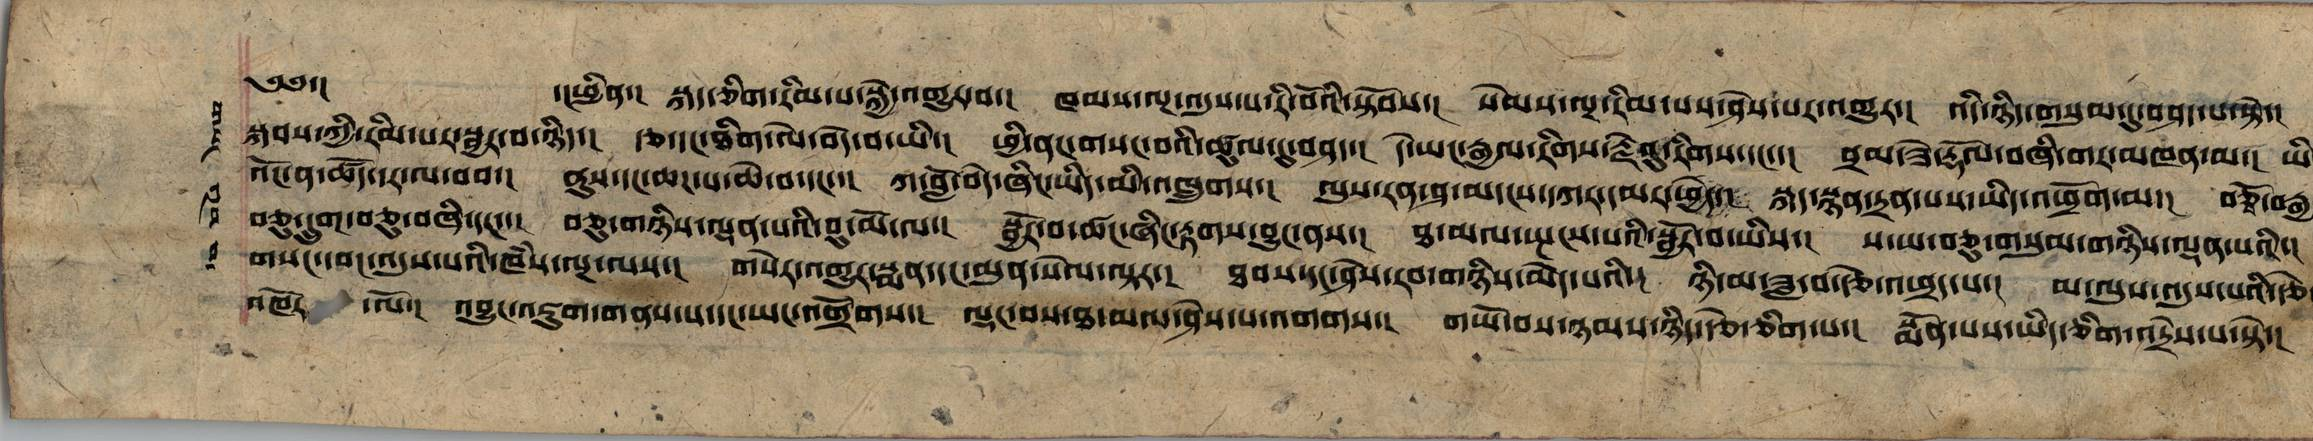༄༅་། ་།ཕྱིན་། སྐད་ཅིག་རིམ་པ་སྐྱེ་འགྱུར་བ་། ཁམས་ལྔ་འདུས་པ་རི་བོའི་སྟོབས་། སེམས་ལྔ་རིམ་པས་ཤེས་པར་འགྱུར་། འདི་ཉིད་གསུམ་དུ་བཤད་པ་སྟེ་།
སྐབས་ཀྱི་རིམ་པར་སྦྱར་བ་ཉིད་། རྩ་དང་ཐིག་ལེ་བདེ་བ་ཡི་། ཕྱི་ནང་གསང་བའི་ཚུལ་དུ་བཤད་། དེ་ཡང་རྒྱལ་རིགས་རྗེའུ་རིགས་དང་། བྲམ་ཟེ་རྡོལ་བཞི་གར་མཁན་མ་། ཡི
འོང་ན་ཚོད་དར་ལ་བབ་། ནུས་དང་ཆཌ་པ་ཆེ་བ་དང་་། ཀ་བློ་བདེ་ཞིང་ཡིད་མི་འཁྲུགས་། ལུས་རན་ཤ་མདངས་དཀར་དམར་ཕྱེད་། སྐད་སྙན་དྲན་པས་ཡིད་འཕྲོག་མ་། བཅྭོ་བརྒྱ
བཅུ་དྲུག་བཅུ་བཞི་དང་་། བཅུ་གཉིས་ལྡན་པའི་བུ་མོ་ལ་། སྦྱོར་བ་ཚང་ཞིང་རྟགས་བྱུང་ནས་། ཐ་མལ་སྤངས་པའི་སྦྱོར་བ་ཡིས་། ས་ཡ་བཅུ་གསུམ་གཉིས་ལྡན་པའི་།
གསང་དབང་འདུས་པའི་ཁཾས་ལྔ་ལས་། གསེར་འགྱུར་སྨན་དང་མུན་སེལ་ལྟར་། ཐབས་དང་ཤེས་རབ་གཉིས་མེད་པའི་། ཉི་མ་ཟླ་བ་རྩེ་འཕྲད་པ་། མ་ལུས་འདུས་པའི་རྩེ
འཁོར་ ལོ་། འབྱུང་འཇུག་གནས་པ་དང་ཡང་འགྲོགས་། ལྡང་བས་ཐ་མལ་ཤེས་པ་འགགས་། གཡོ་བས་ཉམས་ཉིད་རྩེ་ཅིག་པ་། སྨོན་པས་ཡིད་ཅིག་འདྲེས་པ་སྟེ་།